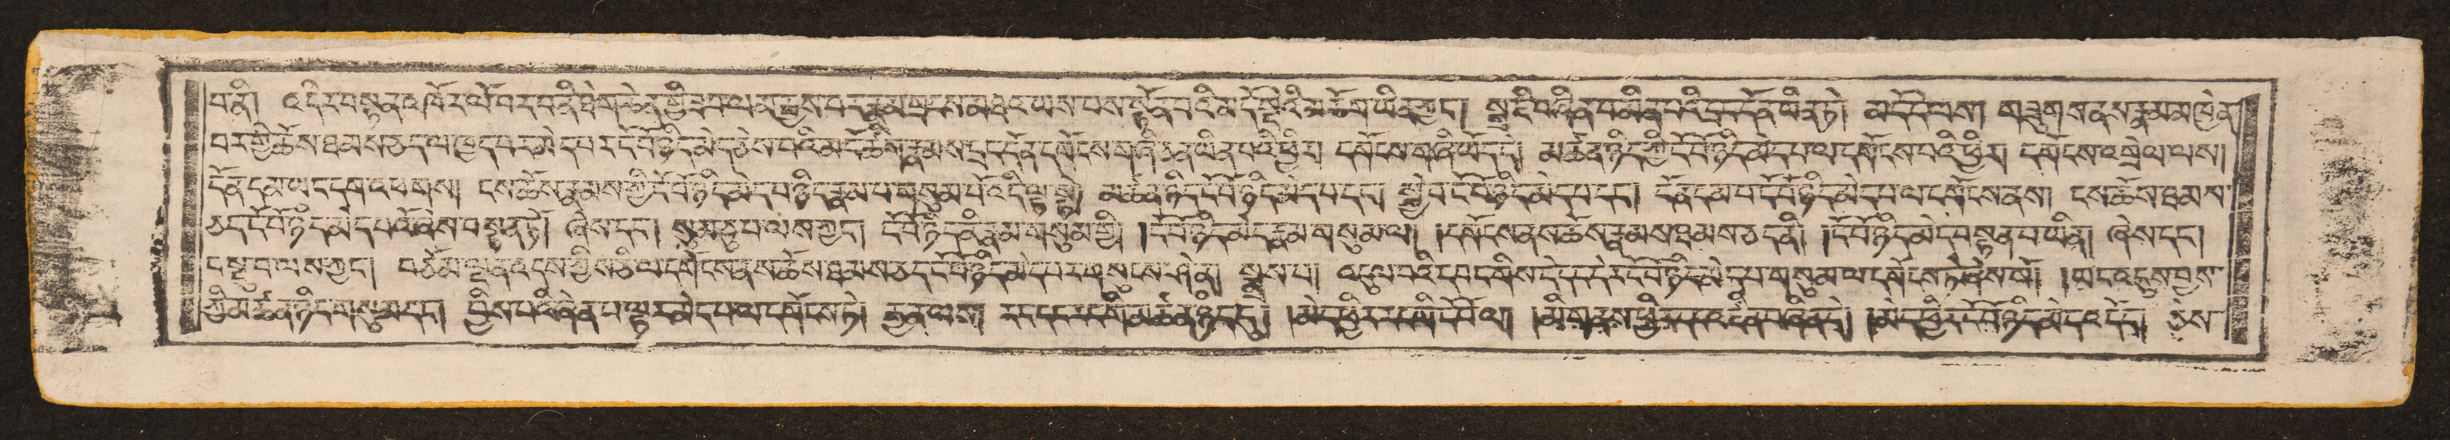པ་ནི། འདིར་བསྟན་འཁོར་ལོ་བར་པ་ནི་ཐེག་ཆེན་གྱི་ཟབ་ལམ་རྒྱས་པར་རྣམ་གྲངས་མཐའ་ཡས་པས་སྟོན་པའི་མདོ་སྡེའི་མཆོག་ཡིན་ཀྱང་། སྒྲ་ཇི་བཞིན་པ་མིན་པའི་དྲང་དོན་ཡིན་ཏེ། མདོ་དེ་ལས། གཟུགས་ནས་རྣམ་མཁྱེན་
བར་གྱི་ཆོས་ཐམས་ཅད་ལ་ཁྱད་པར་མེད་པར་ངོ་བོ་ཉིད་མེད་ཅེས་པའི་མདོ་ཚིག་རྣམས་དྲང་དོན་དགོངས་གཞི་ཅན་ཡིན་པའི་ཕྱིར། དགོངས་གཞི་ཡོད་དེ། མཚན་ཉིད་ཀྱི་ངོ་བོ་ཉིད་མེད་པ་ལ་དགོངས་པའི་ཕྱིར། དགོངས་འགྲེལ་ལས།
དོན་དམ་ཡང་དག་འཕགས། ངས་ཆོས་རྣམས་ཀྱི་ངོ་བོ་ཉིད་མེད་པ་ཉིད་རྣམ་པ་གསུམ་པོ་འདི་ལྟ་སྟེ། མཚན་ཉིད་ངོ་བོ་ཉིད་མེད་པ་དང་། སྐྱེ་བ་ངོ་བོ་ཉིད་མེད་པ་དང་། དོན་དམ་པ་ངོ་བོ་ཉིད་མེད་པ་ལ་དགོངས་ནས། ངས་ཆོས་ཐམས་
ཅད་ངོ་བོ་ཉིད་མེད་པའོ་ཞེས་བསྟན་ཏོ། ཞེས་དང་། སུམ་ཅུ་པ་ལས་ཀྱང་། ངོ་བོ་ཉིད་ནི་རྣམ་གསུམ་གྱི། །ངོ་བོ་ཉིད་མེད་རྣམ་གསུམ་ལ། །དགོངས་ནས་ཆོས་རྣམས་ཐམས་ཅད་ནི། །ངོ་བོ་ཉིད་མེད་བསྟན་པ་ཡིན། ཞེས་དང་།
བསྡུ་བ་ལས་ཀྱང་། བཅོམ་ལྡན་འདས་ཀྱིས་ཅི་ལ་དགོངས་ནས་ཆོས་ཐམས་ཅད་ངོ་བོ་ཉིད་མེད་པར་གསུངས་ཤེན། སྨྲས་པ། འདུལ་བའི་དབང་གིས་དེ་དང་དེར་ངོ་བོ་ཉིད་མེད་པ་གསུམ་ལ་དགོངས་ཏེ་ཞེས་སོ། །ཡང་འདུས་བྱས་
ཀྱི་མཚན་ཉིད་གསུམ་དང་། བྱིས་པའི་ཞེན་པ་ལྟར་མེད་པ་ལ་དགོངས་ཏེ། རྒྱན་ལས། རང་དང་རང་གི་མཚན་ཉིད་དུ། །མེད་ཕྱིར་རང་གི་ངོ་བོ་ལ། །མི་གནས་ཕྱིར་དང་འཛིན་བཞིན་དེ། །མེད་ཕྱིར་ངོ་བོ་ཉིད་མེད་འདོད། ཅེས་